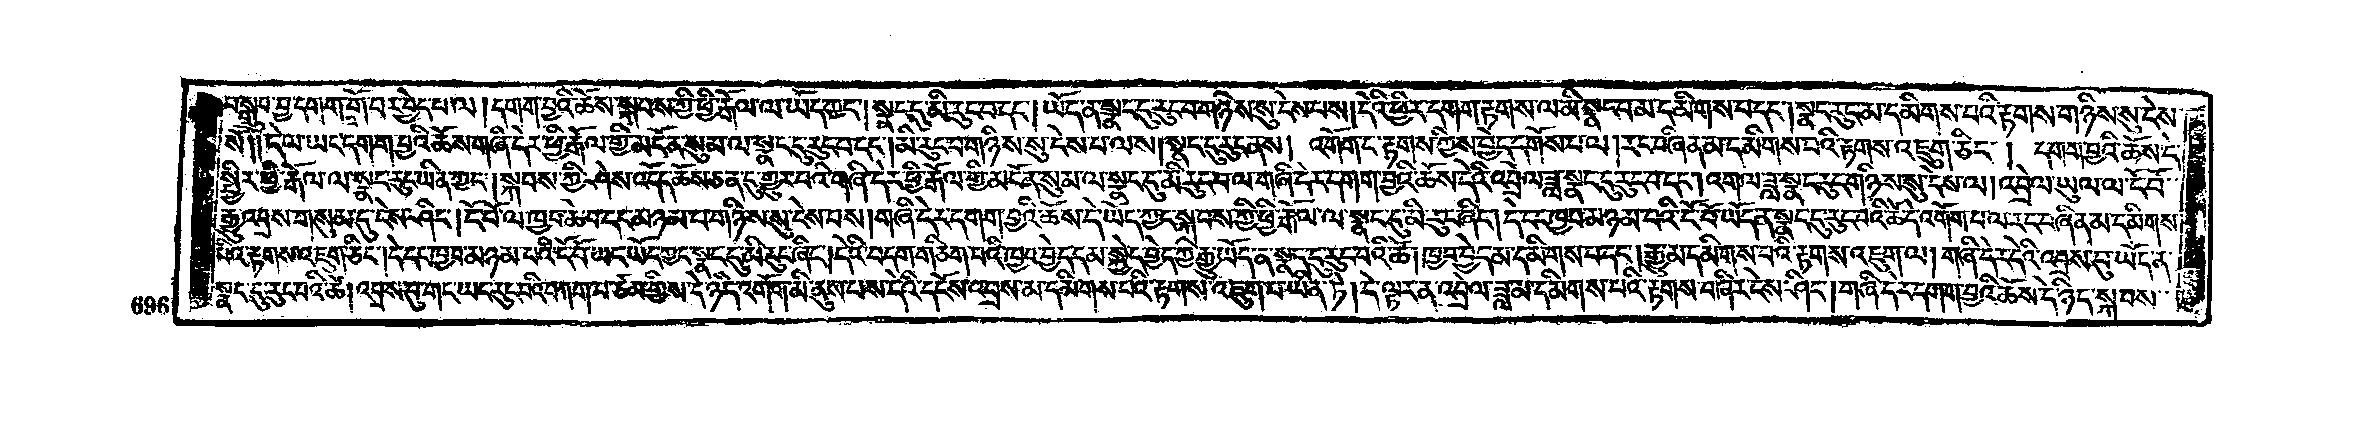བསྒྲུབ་བྱ་དགག་པ་གོ་བར་བྱེད་ལ། དགག་བྱའི་ཆོས་སྐབས་ཀྱི་ཕྱི་རྒོལ་ལ་ཡོད་ཀྱང་། སྣང་དུ་མི་རུང་བ་དང་། ཡོད་ན་སྣང་དུ་རུང་བ་གཉིས་སུ་ངེས་པས། དེའི་ཕྱིར་དགག་རྟགས་ལ་མི་སྣང་བ་མ་དམིགས་པ་དང་། སྣང་རུང་མ་དམིགས་པའི་རྟགས་གཉིས་སུ་ངེས་
སོ། །དེ་ལ་ཡང་དགག་བྱའི་ཆོས་གཞི་དེར་ཕྱི་རྒོལ་གྱི་མངོན་སུམ་ལ་སྣང་དུ་རུང་བ་དང་། མི་རུང་བ་གཉིས་སུ་ངེས་པ་ལས། སྣང་དུ་རུང་ནས། འགོག་པ་རྟགས་ཀྱིས་བྱེད་དགོས་པ་ལ། རང་བཞིན་མ་དམིགས་པའི་རྟགས་འཇུག་ཅིང་། དགག་བྱའི་ཆོས་དེ་
སྤྱིར་ཕྱི་རྒོལ་ལ་སྣང་རུང་ཡིན་ཀྱང་། སྐབས་ཀྱི་ཤེས་འདོད་ཆོས་ཅན་དུ་གྱུར་པའི་གཞི་དེར་ཕྱི་རྒོལ་གྱི་མངོན་སུམ་ལ་སྣང་དུ་མི་རུང་བ་ལ་གཞི་དེར་དགག་བྱའི་ཆོས་དེའི་འབྲེལ་ཟླ་སྣང་དུ་རུང་བ་དང་། འགལ་ཟླ་སྣང་རུང་གཉིས་སུ་ངེས་ལ། འབྲེལ་ཡུལ་ལ་ངོ་བོ་
རྒྱུ་འབྲས་གསུམ་དུ་ངེས་ཤིང་། ངོ་བོ་ལ་ཁྱབ་ཆེ་བ་དང་མཉམ་པ་གཉིས་སུ་ངེས་པས། གཞི་དེར་དགག་བྱའི་ཆོས་དེ་ཡོད་ཀྱང་སྐབས་ཀྱི་ཕྱི་རྒོལ་ལ་སྣང་དུ་མི་རུང་ཞིང་། དེ་དང་ཁྱབ་མཉམ་པའི་ངོ་བོ་ཡོད་ན་སྣང་དུ་རུང་བའི་ཚེ་དེ་འགོག་པ་ལ་རང་བཞིན་མ་དམིགས་
པའི་རྟགས་འཇུག་ཅིང་། དེ་དང་ཁྱབ་མཉམ་པའི་ངོ་བོ་ཡང་ཡོད་ཀྱང་སྣང་དུ་མི་རུང་ཞིང་། དེའི་བདག་གཅིག་པའི་ཁྱབ་བྱེད་དམ་སྐྱེད་བྱེད་ཀྱི་རྒྱུ་ཡོད་ན་སྣང་དུ་རུང་བའི་ཚེ། ཁྱབ་བྱེད་མ་དམིགས་པ་དང་། རྒྱུ་མ་དམིགས་པའི་རྟགས་འཇུག་ལ། གཞི་དེར་དེའི་འབྲས་བུ་ཡོད་ན་
སྣང་དུ་རུང་བའི་ཚེ། འབྲས་བུ་གང་ཡང་རུང་བའི་བཀག་པ་ཙམ་གྱིས་དེ་ཉིད་འགོག་མི་ནུས་པས་དེའི་དངོས་འབྲས་མ་དམིགས་པའི་རྟགས་འཇུག་པ་ཡིན་ཏེ། དེ་ལྟར་ན་འབྲེལ་ཟླ་མ་དམིགས་པའི་རྟགས་བཞིར་ངེས་ཤིང་། གཞི་དེར་དགག་བྱའི་ཆོས་དེ་ཉིད་སྐབས་